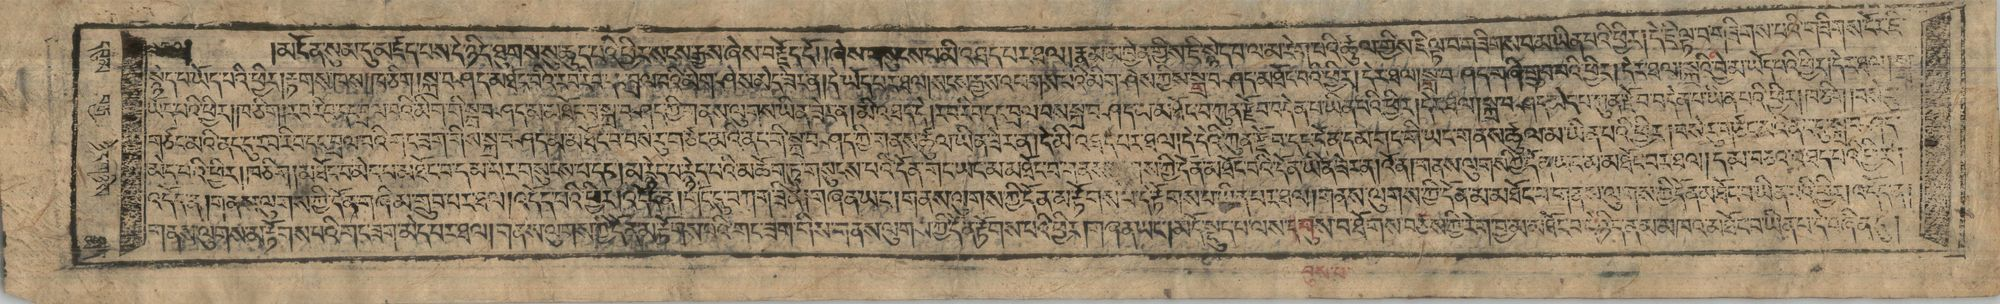༄༅། །མངོན་སུམ་དུ་མཛད་པས་དེ་ཉིད་ཐུགས་སུ་ཆུད་པའི་ཕྱིར་སངས་རྒྱས་ཞེས་བརྗོད་དོ། །ཞེས་གསུངས་པ་མི་འཐད་པར་ཐལ། རྣམ་མཁྱེན་གྱིས་ཇི་སྙེད་པ་ལ་མ་རེག་པའི་ཚུལ་གྱིས་ཇི་ལྟ་བ་གཟིགས་པ་མ་ཡིན་པའི་ཕྱིར། དེ་ཇི་ལྟ་བ་གཟིགས་པའི་གཟིགས་པར་ཇི་
སྙེད་པ་ཡོད་པའི་ཕྱིར། རྟགས་ཁས། ཁ་ཅིག །སྐྲ་བཤད་མཐོང་བའི་རབ་རིབ་དང་བྲལ་བའི་མིག་ཤེས་མེད་ཟེར་ན། དེ་ཡོད་པར་ཐལ། སངས་རྒྱས་འཕགས་པའི་མིག་ཤེས་ཀྱིས་སྐྲ་བཤད་མཐོང་བའི་ཕྱིར། དེར་ཐལ། སྐྲ་བཤད་གཞི་གྲུབ་པའི་ཕྱིར། དེར་ཐལ། སྐྲའིཕྱི་མ་ཡོད་པའི་ཕྱིར། དེར་ཐལ། སྐྲ་
ཡོད་པའི་ཕྱིར། ཁ་ཅིག །རབ་རིབ་དང་བྲལ་བའི་མིག་གི་སྐྲ་བཤད་མ་མཐོང་བ་སྐྲ་བཤད་ཀྱི་གནས་ལུགས་ཡིན་ཟེར་ན། མི་འཐད་དེ། རབ་རིབ་དང་བྲལ་བས་སྐྲ་བཤད་མ་མཐོང་བ་ཀུན་རྫོབ་བདེན་པ་ཡིན་པའི་ཕྱིར། དེར་ཐལ། སྐྲ་བཤད་མེད་པ་ཀུན་རྫོབ་བདེན་པ་ཡིན་པའི་ཕྱིར། ཁ་ཅིག །བསེ་རུ་
གཙང་མའི་ནང་དུ་རབ་རིབ་དང་བྲལ་བའི་གང་ཟག་གིས་སྐྲ་བཤད་མ་མཐོང་བ་བསེ་རུ་གཙང་མའི་ནང་གི་སྐྲ་བཤད་ཀྱི་གནས་ཚུལ་ཡིན་ཟེར་ན། དེ་མི་འཐད་པར་ཐལ། དེ་དེའི་ཀུན་རྫོབ་དང་དོན་དམ་གང་གི་ཡང་གནས་ཚུལ་མ་ཡིན་པའི་ཕྱིར། བསེ་རུ་གཙང་མའི་ནང་དུ་སྐྲ་བཤད་
མེད་པའི་ཕྱིར། ཁ་ཅིག །མཐོང་བ་མེད་པ་མཐོང་བ་དམ་པར་གསུངས་པ་དང་། མ་རྙེད་པ་རྙེད་པའི་མཆོག་ཏུ་གསུངས་པའི་དོན་གང་ཡང་མ་མཐོང་བ་གནས་ལུགས་ཀྱི་དོན་མཐོང་བའི་དོན་ཡིན་ཟེར་ན། འོ་ན། གནས་ལུགས་ཀྱི་དོན་ཡང་མ་མཐོང་བར་ཐལ། དམ་བཅའ་འཐད་པའི་ཕྱིར།
འདོད་ན། གནས་ལུགས་ཀྱི་དོན་གཞི་མ་གྲུབ་པར་ཐལ། འདོད་པའི་ཕྱིར། འདོད་ན། གོང་དུ་བཀག་ཟིན། གཞན་ཡང་། གནས་ལུགས་ཀྱི་དོན་མ་རྟོགས་པ་དེ་རྟོགས་པ་ཡིན་པར་ཐལ། གནས་ལུགས་ཀྱི་དོན་མ་མཐོང་བ་གནས་ལུགས་ཀྱི་དོན་མཐོང་བ་ཡིན་པའི་ཕྱིར། འདོད་ན།
གནས་ལུགས་མ་རྟོགས་པའི་གང་ཟག་མེད་པར་ཐལ། གནས་ལུགས་ཀྱི་དོན་མ་རྟོགས་པའི་གང་ཟག་གིས་གནས་ལུགས་ཀྱི་དོན་རྟོགས་པའི་ཕྱིར། གཞན་ཡང་། མདོ་སྡུད་པ་ལས་བུས་པ་ཐོགས་བཅས་ཀྱི་རེག་བྱ་མ་མཐོང་བ་དེ་ཉིད་ནམ་མཁའ་མཐོང་བ་ཡིན་པ་དེ་བཞིན་དུ།